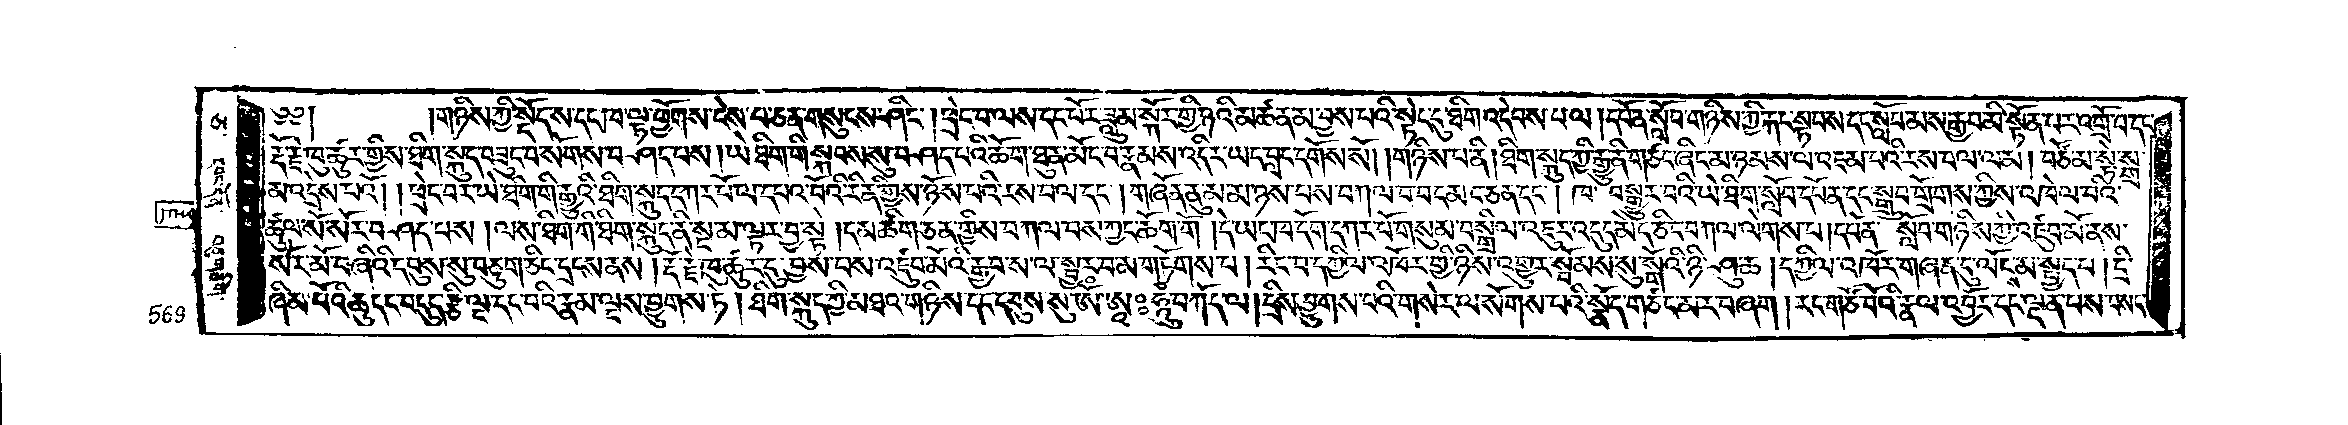༄༅། །གཉིས་ཀྱི་སྡོད་ས་དང་ཁ་ལྟ་ཕྱོགས་ངེས་པ་ཅན་གསུངས་ཤིང་། ཕྲེང་བ་ལས་དང་པོར་ཟླུམ་སྐོར་གྱི་ཉའི་མཚན་མ་བྱས་པའི་སྟེང་དུ་ཐིག་འདེབས་པ་ལ། དཔོན་སློབ་གཉིས་ཀྱི་རྐང་སྟབས་དང་སློབ་མས་རྒྱབ་མི་སྟོན་པར་འགྲོ་བ་དང་
རྡོ་རྗེ་ཁུ་ཚུར་གྱིས་ཐིག་སྐུད་བཟུང་བ་སོགས་བཤད་པས། ཡེ་ཐིག་གི་སྐབས་སུ་བཤད་པའི་ཆོ་ག་ཐུན་མོང་བ་རྣམས་འདིར་ཡང་བླང་དགོས་སོ། །གཉིས་པ་ནི། ཐིག་སྐུད་ཀྱི་རྒྱུ་ནི་གཙང་ཞིང་མ་ཉམས་ལ་འཇམ་པའི་རས་བལ་ལམ། བཙོ་མ་སྟེ་སྒྲ་
མ་འདྲེས་པའོ། །ཕྲེང་བར་ཡེ་ཐིག་གི་རྒྱུའི་ཐིག་སྐུད་དཀར་པོ་ལ་དཔའ་བོའི་རིན་གྱིས་ཉོས་པའི་རས་བལ་དང་། གཞོན་ནུ་མ་མ་ཉས་པས་བཀལ་བ་བདམ་ང་ཅན་དང་། ཁ་བསྒྱུར་བའི་ཡེ་ཐིག་སློབ་དཔོན་དང་སྒྲུབ་གྲོགས་ཀྱིས་འཁེལ་བའི་
ཚུལ་སོ་སོར་བཤད་པས། ལས་ཐིག་གི་ཐིག་སྐུད་ནི་སྔ་མ་ལྟར་བྱ་སྟེ། དམ་ཚིག་ཅན་གྱིས་བཀལ་བས་ཀྱང་ཆོག་གོ །དེ་ཡང་ཁ་དོག་དཀར་པོ་གསུམ་བསྒྲིལ་འཇུར་འདུད་མེད་ཅིང་བཀལ་ལེགས་པ། དཔོན་སློབ་གཉིས་ཀྱི་འཛུབ་མོ་ནས་
སོར་མོ་བཞིའི་དབུས་སུ་བཅུག་ཅིང་དྲངས་ནས། རྡོ་རྗེ་ཁུ་ཚུར་དུ་བྱས་པས་འཛུབ་མོའི་རྒྱབ་ས་ལ་སྦྱར་བ་མ་གཏོགས་པ། རིང་བ་དཀྱིལ་འཁོར་གྱི་ཉིས་འགྱུར་སྦོམས་སུ་སྒོའི་ཉི་ཤུ་ཆ། དཀྱིལ་འཁོར་གཞན་དུ་ལོངས་མ་སྤྱད་པ། དྲི་
ཞིམ་པོའི་ཆུ་དང་བདུད་རྩི་ལྔ་དང་བའི་རྣམ་ལྔས་བྱུགས་ཏེ། ཐིག་སྐུད་ཀྱི་མཐའ་གཉིས་དང་དབུས་སུ་ཨོཾ་ཨཱཿ ཧཱུཾ་བཀོད་ལ། དྲིས་བྱུགས་པའི་གསེར་ལ་སོགས་པའི་སྣོད་གཙང་མར་བཞག །རང་གཙོ་བོའི་རྣལ་འབྱོར་དང་ལྡན་པས་བསང་